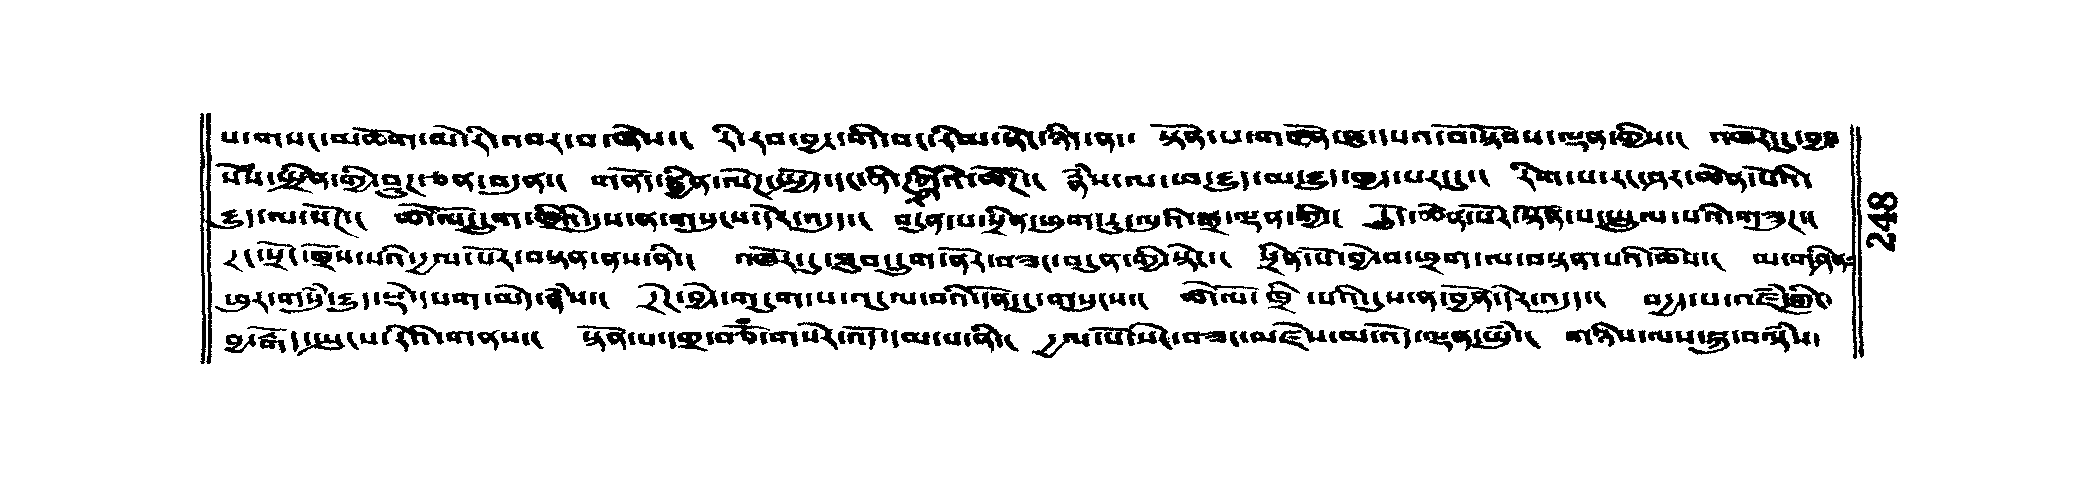པ་གསང་མཆོག་མེ་རི་འབར་བ་ཞེས། །རི་རབ་བྱང་གི་བང་རིམ་སྟེང་ཉིད་ན། །སྟོན་པ་གཞོན་ནུ་དཔའ་བོ་སྟོབས་ལྡན་གྱིས། །འཁོར་དུ་བྱང་
སེམས་སྤྲིན་གྱི་ཤུགས་ཅན་བདུན། །གནོད་སྦྱིན་ལེགས་སྤྱོད་དང་ནི་ཌཱཀྐིའི་ཚོགས། །རྣམས་ལ་ཕ་རྒྱུད་མ་རྒྱུད་ཁྱད་པར་དུ། །རིག་པ་རང་ཤར་ཆེན་པོའི་
རྒྱུད་ལ་སོགས། །ཚེ་ལོ་དྲུག་ཁྲིའི་དུས་ན་གསུངས་དེར་འདུད། །བདུན་པ་སྲིན་ཕུག་རུ་ལུའི་སྒྲ་ལྡན་གྱི། །དུར་ཁྲོད་ཆེན་པོར་སྟོན་པ་སྤྲུལ་པའི་གཟུགས། །
དྲང་སྲོང་ཁྲོས་པའི་རྒྱལ་པོར་བསྟན་ནས་ནི། །འཁོར་དུ་ཐུབ་དྲུག་ནོར་བཟང་བདུན་གྱི་སྟེང་། །སྲིན་པོ་བྱེ་བ་ཕྲག་ལ་བསྟན་པའི་ཆོས། །མ་གཤིན་
ཕུར་གསུམ་རྒྱུད་སྡེ་དཔག་མེད་རྣམས། །དྲེགས་བྱེད་གདུག་པ་འདུལ་བའི་དོན་དུ་གསུངས། །ཚེ་ལོ་ཁྲི་པའི་དུས་ན་བྱོན་དེར་འདུད། །བརྒྱད་པ་འཛམ་གླིང་
བྱ་རྒོད་སྤུངས་རིའི་གནས། །སྟོན་པ་དགྲ་བཅོམ་གསེར་འོད་དམ་པ་ནི། །རྒྱལ་པོ་སེང་བཟང་མཛེས་མ་འོད་ལྡན་ཡུམ། །གཉིས་ལས་སྐུ་བལྟམས་